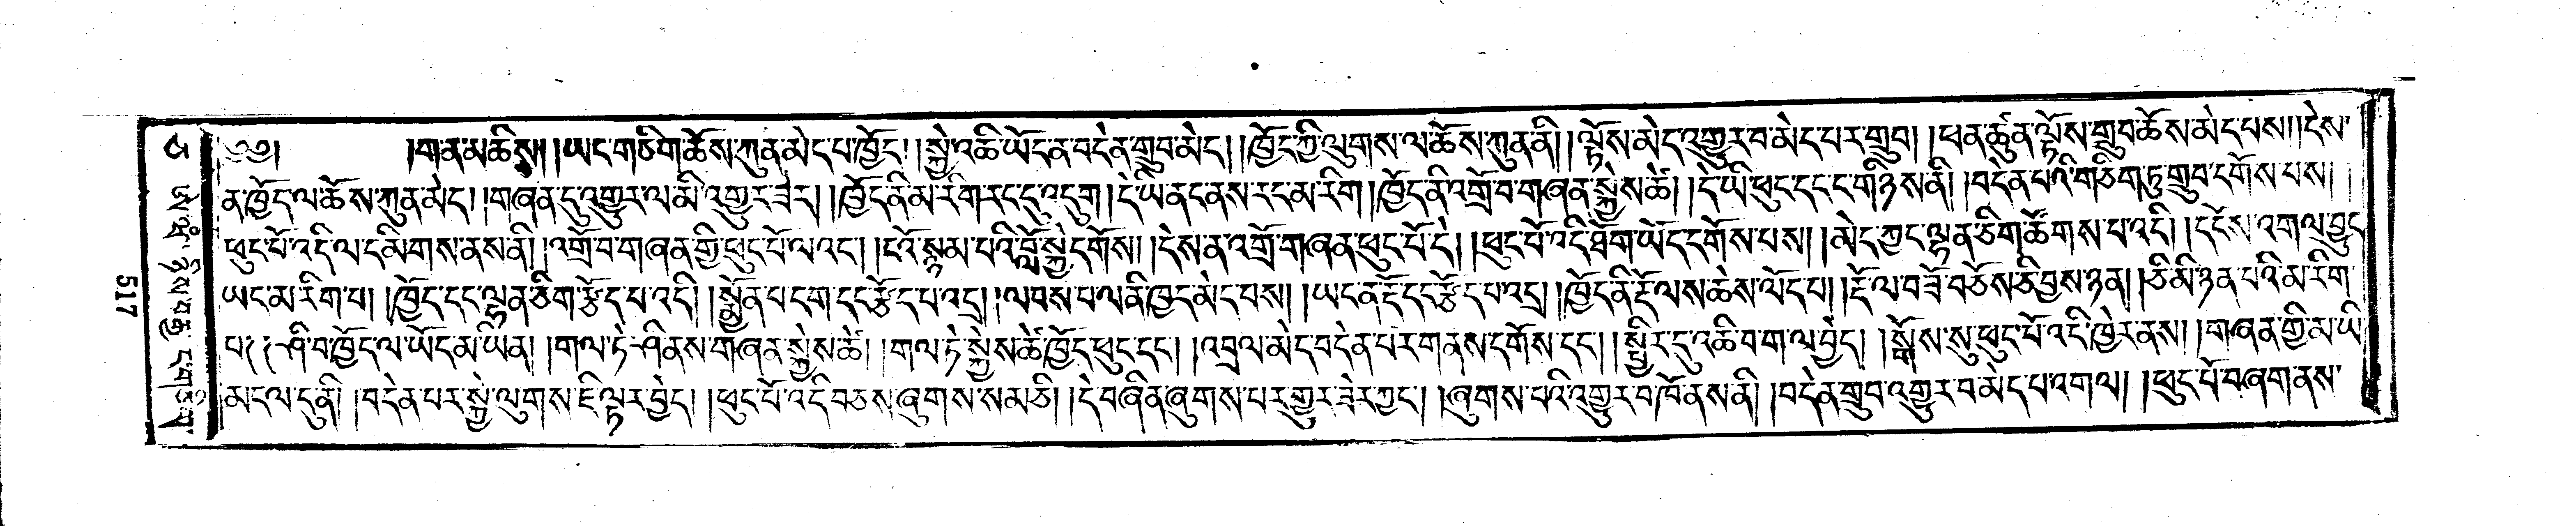༄༅། །ག་ན་མཆིས། །ཡང་གཅིག་ཆོས་ཀུན་མེད་པ་ཁྱོད། །སྐྱེ་འཆི་ཡོད་ན་བདེན་གྲུབ་མེད། །ཁྱོད་ཀྱི་ལུགས་ལ་ཆོས་ཀུན་ནི། །སྟོས་མེད་འགྱུར་བ་མེད་པར་འགྱུར། །ཕན་ཚུན་ལྟོས་གྲུབ་ཆོས་མེད་པས། །དེས་
ན་ཁྱོད་ལ་ཆོས་ཀུན་མེད། །གཞན་དུ་འགྱུར་ལ་མི་འགྱུར་ཟེར། །ཁྱོན་ནི་མ་རིག་རང་དུ་འདུག །དེ་ཡི་ནང་ནས་རང་མ་རིག །ཁྱོད་ནི་འགྲོ་བ་གཞན་སྐྱེས་ཚེ། དེ་ཡི་ཕུང་དང་ང་གཉིས་ནི། །བདེན་པའི་གཅིག་ཏུ་གྲུབ་དགོས་པས། །
ཕུང་པོ་འདི་ལ་དམིགས་ནས་ནི། །འགྲོ་བ་གཞན་གྱི་ཕུང་པོ་ལའང་། །ངའོ་སྙམ་པའི་བློ་སྐྱེ་དགོས། །དེས་ན་འགྲོ་གཞན་ཕུང་པོ་དེ། །ཕུང་པོ་འདི་ཐོག་ཡོད་དགོས་པས། །མེད་ཀྱང་ལྷན་ཅིག་ཚོགས་པ་འདི། །དངོས་འགལ་བྱུང་
ཡང་མ་རིག་པ། །ཁྱོད་དང་ལྷན་ཅིག་རྩོད་པ་འདི། །སྨྱོན་པ་ངག་དང་རྩོད་པ་འདྲ། །ལབས་པ་ལ་ནི་ཁྱད་མེད་པས། །ཡང་ན་རྡོ་དང་རྩོད་པ་འདྲ། །ཁྱོད་ནི་རྡོ་ལས་ཆེས་ལོད་པ། །རྡོ་ལ་བཟོ་བཅོས་ཅི་བྱས་ཉན། །ཅི་མི་ཉན་པའི་མ་རིག་
པ༑ ༑ཤི་བ་ཁྱོད་ལ་ཡོད་མ་ཡིན། །གལ་ཏེ་ཤི་ནས་གཞན་སྐྱེ་ཚེ། །།གལ་ཏེ་སྐྱེས་ཚེ་ཁྱོད་ཕུང་དང་། །འབྲལ་མེད་བདེན་པར་གནས་དགོས་དང་། །སྤྱིར་དུ་འཆི་བ་ག་ལ་བྱེད། །སྒོས་སུ་ཕུང་པོ་འདི་ཁྱེར་ནས། །གཞན་གྱི་མ་ཡི་
མངལ་དུ་ནི། །བདེན་པར་སྐྱེ་ལུགས་ཇི་ལྟར་བྱེད། །ཕུང་པོ་འདི་བཅས་ཞུགས་སམ་ཅི། །དེ་བཞིན་ཞུགས་པར་གྱུར་ཟེར་ཀྱང་། །ཞུགས་པའི་འགྱུར་བ་ཁོ་ནས་ནི། །བདེན་གྲུབ་འགྱུར་བ་མེད་པ་འགལ། །ཕུང་པོ་བཞག་ནས་